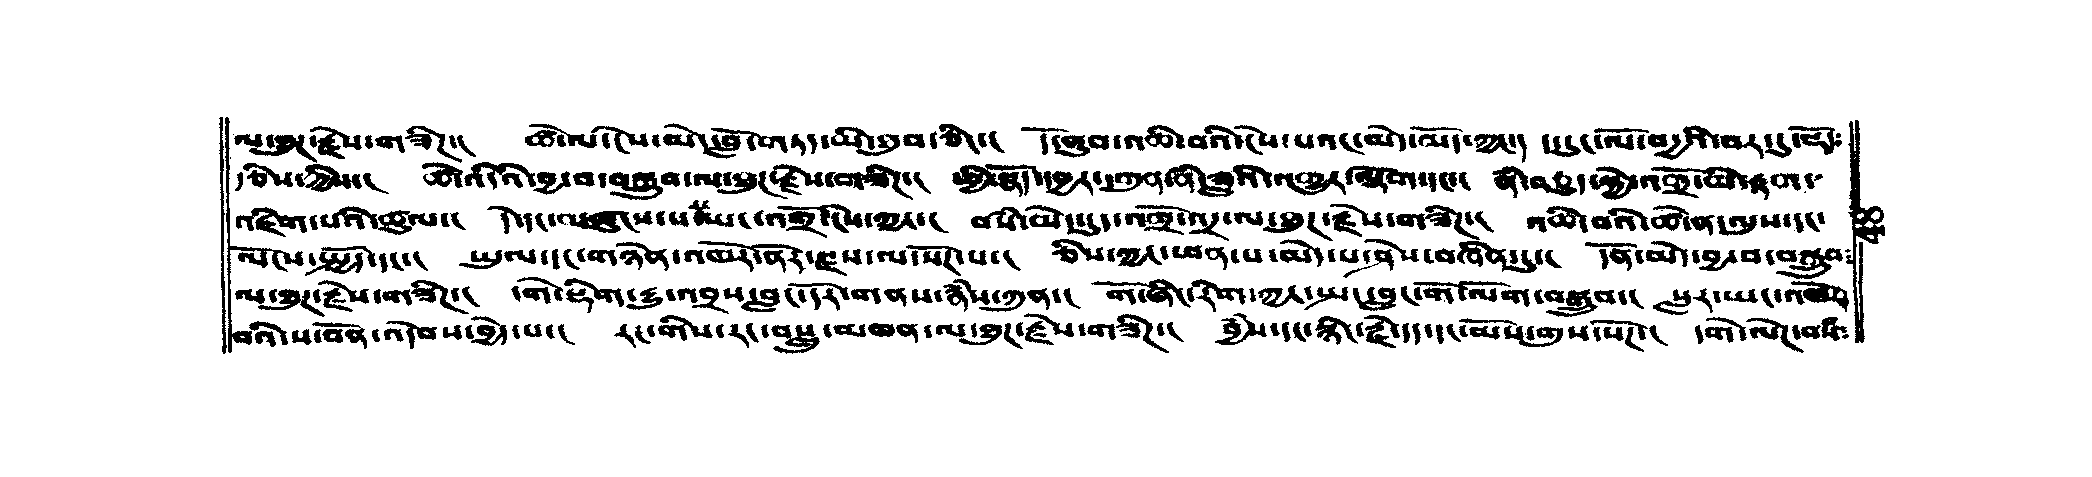ལ་ཐུགས་རྗེས་གཟིགས། །ཚེ་ལ་ངེས་མེད་བློ་གཏད་མི་ཐུབ་ཅིང་། །དོ་ནུབ་འཆི་བའི་ངེས་པའང་མེད་མོད་ཀྱང་། །ད་དུང་ལོ་བརྒྱའི་བར་དུ་སྡོད་
རྩིས་ཀྱིས། །ཚེ་འདིའི་བྱ་བ་བསྒྲུབ་ལ་ཐུགས་རྗེས་གཟིགས། །ཕྱི་སྣོད་དབྱར་དགུན་ནམ་ཟླའི་འགྱུར་ལྡོག་དང་། །ནང་བཅུད་སྐྱེ་འགྲོ་མི་རྟག་
འཇིག་པའི་ཚུལ། །དེ་དང་མཚུངས་པ་རང་ཡང་འགྲོ་ངེས་ཀྱང་། །བསམ་མེད་དུད་འགྲོ་འདྲ་ལ་ཐུགས་རྗེས་གཟིགས། །འཆི་བའི་ཚེ་ན་ལུས་དང་
ལོངས་སྤྱོད་དང་། །ཡུལ་དང་གཉེན་འཁོར་ནོར་རྫས་ལ་སོགས་པ། །ཅིས་ཀྱང་ཕན་པ་མེད་པ་ཤེས་བཞིན་དུ། །དོན་མེད་བྱ་བ་བསྒྲུབ་
ལ་ཐུགས་རྗེས་གཟིགས། །དགེ་སྡིག་རྒྱུ་འབྲས་བླང་དོར་གནས་རྣམས་ཀུན། །གོ་ཞིང་རིག་ཀྱང་སྤང་བླང་གོ་ལོག་བསྒྲུབ། །སླར་ཡང་འཁོར་
བའི་ས་བོན་འདེབས་བྱེད་པ། །རང་གིས་རང་བསླུ་མཁན་ལ་ཐུགས་རྗེས་གཟིགས། །བྱམས་དང་སྙིང་རྗེ་དད་དང་མོས་གུས་སོགས། །དགེ་ལེགས་བསམ་